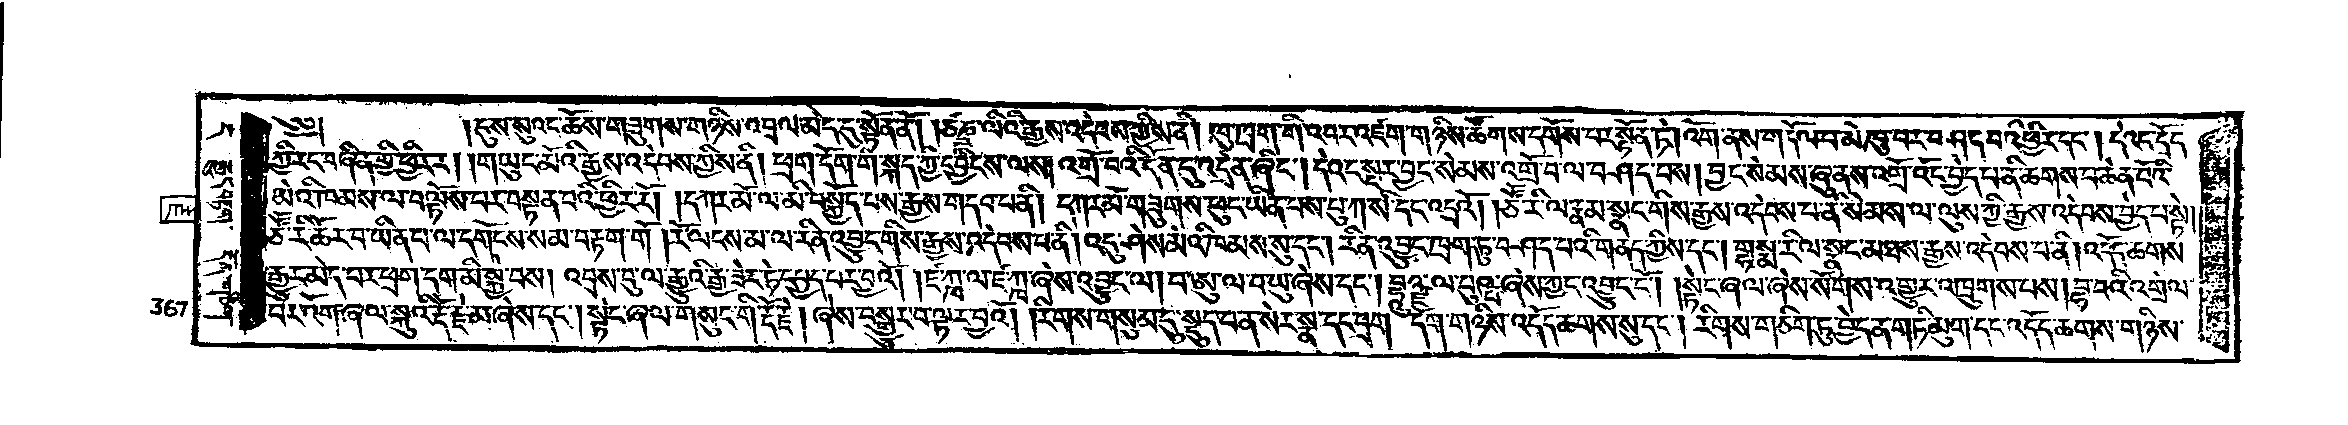༄༅། །དུས་སུའང་ཆོས་གཟུགས་གཉིས་འབྲལ་མེད་དུ་སྟོན་ནོ། །ཙཎྜ་ལིའི་རྒྱས་འདེབས་ཀྱིས་ནི། ཁུ་ཁྲག་གི་འབར་འཛག་གཉིས་ཚོགས་དགོས་པར་སྟོན་ཏེ། འོག་ནས་གདོལ་བ་མེ་ཁུ་བར་བཤད་པའི་ཕྱིར་དང་། དེའང་དྲོད་
ཀྱི་རང་བཞིན་གྱི་ཕྱིར་རོ། །གཡུང་མོའི་རྒྱས་འདེབས་ཀྱིས་ནི། ཕྲག་དོག་གི་སྐད་ཀྱི་དབྱིངས་ལས། འགྲོ་བའི་དོན་དུ་འདྲེན་ཞིང་། དེའང་སྔར་བྱང་སེམས་འགྲོ་བ་ལ་བཤད་པས། བྱང་སེམས་ཞུ་ནས་འགྲོ་འོང་བྱེད་པ་ནི་ཆགས་པ་ཆེན་པོའི་
མེའི་ཁམས་ལ་བལྟོས་པར་བསྟན་པའི་ཕྱིར་རོ། །དཀར་མོ་ལ་མི་བསྐྱོད་པས་རྒྱས་གདབ་པ་ནི། དཀར་མོ་གཟུགས་ཕུང་ཡིན་པས་པུ་ཀ་སི་དང་འདྲའོ། །ཙཽ་རི་ལ་རྣམ་སྣང་གིས་རྒྱས་འདེབས་པ་ནི་སེམས་ལ་ལུས་ཀྱི་རྒྱས་འདེབས་བྱེད་པ་སྟེ། །
ཙཽ་རི་ཆོར་བ་ཡིན་པ་ལ་དགོངས་སམ་བརྟག་གོ །རོ་ལངས་མ་ལ་རིན་འབྱུང་གིས་རྒྱས་འདེབས་པ་ནི། འདུ་ཤེས་མེའི་ཁམས་སུ་དང་། རིན་འབྱུང་ཁྲག་ཏུ་བཤད་པའི་གནད་ཀྱིས་དང་། གྷསྨ་རི་ལ་སྣང་མཐས་རྒྱས་འདེབས་པ་ནི། འདོད་ཆགས་
རྒྱུར་མེད་པར་ཕྲག་དག་མི་སྐྱེ་བས། འབྲས་བུ་ལ་རྒྱུའི་རྒྱ་ཟེར་ཏེ་དཔྱད་པར་བྱའོ། །ཛ་ཀྑ་ལ་ཛ་ཀྑ་ཞེས་འབྱུང་ལ། བ་ཨུ་ལ་བ་ཡུ་ཞེས་དང་། བྷཱུ་ཉྫ་ལ་པུཥྤ་ཞེས་ཀྱང་འབྱུང་ངོ། །སྟེང་ཞལ་ཞེས་སོགས་འགྱུར་འཁྲུགས་པས། བྷ་བའི་འགྲེལ་
བར་འོག་ཞལ་སྐུའི་རྡོ་རྗེ་མ་ཞེས་དང་། སྟེང་ཞལ་གསུང་གི་རྡོ་རྗེ། ཞེས་བསྒྱུར་བ་ལྟར་བྱའོ། །རིགས་གསུམ་དུ་སྡུད་པ་ན་སེར་སྣ་དང་ཕྲག་དོག་གཉིས་འདོད་ཆགས་སུ་དང་། རིགས་གཅིག་ཏུ་བྱེད་ན་གཏི་མུག་དང་འདོད་ཆགས་གཉིས་